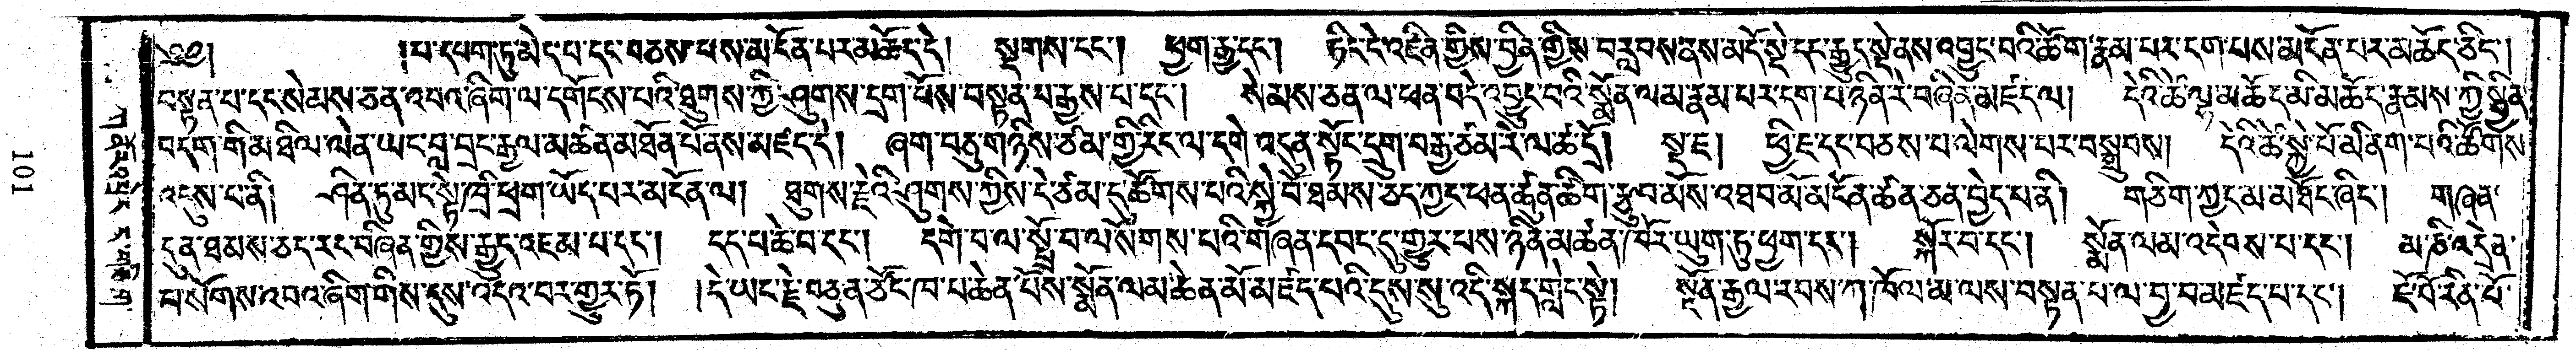༄༅། །པ་དཔག་ཏུ་མེད་པ་དང་བཅས་པས་མངོན་པར་མཆོད་དེ། སྔགས་དང་། ཕྱག་རྒྱ་དང་། ཏིང་ངེ་འཛིན་གྱིས་བྱིན་གྱིས་བརླབས་ནས་མདོ་སྡེ་དང་རྒྱུད་སྡེ་ནས་འབྱུང་བའི་ཆོ་ག་རྣམ་པར་དག་པས་མངོན་པར་མཆོད་ཅིང་།
བསྟན་པ་དང་སེམས་ཅན་འབའ་ཞིག་ལ་དགོངས་པའི་ཐུགས་ཀྱི་ཤུགས་དྲག་པོས་བསྟན་པ་རྒྱས་པ་དང་། སེམས་ཅན་ལ་ཕན་བདེ་འབྱུང་བའི་སྨོན་ལམ་རྣམ་པར་དག་པ་ཉིན་རེ་བཞིན་མཛད་ལ། དེའི་ཚེ་ལྷ་མཆོད་མི་མཆོད་རྣམས་ཀྱི་སྦྱིན་
བདག་གི་མཐིལ་ལེན་ཡང་བླ་བྲང་རྒྱལ་མཚན་མཐོན་པོ་ནས་མཛད་དེ། ཞག་བཅུ་གཉིས་ཙམ་གྱི་རིང་ལ་དགེ་འདུན་སྟོང་དྲུག་བརྒྱ་ཙམ་རེ་ལ་ཚ་དྲོ། སྔ་ཇ། ཕྱི་ཇ་དང་བཅས་པ་ལེགས་པར་བསྒྲུབས། དེའི་ཚེ་སྐྱེ་བོ་མི་ནག་པའི་ཚོགས་
འདུས་པ་ནི། ཤིན་ཏུ་མང་སྟེ་ཁྲི་ཕྲག་ཡོད་པར་མངོན་ལ། ཐུགས་རྗེའི་ཤུགས་ཀྱིས་དེ་ཙམ་དུ་ཚོགས་པའི་སྐྱེ་བོ་ཐམས་ཅད་ཀྱང་ཕན་ཚུན་ཚིག་རྩུབ་མོས་འཐབ་མོ་མངོན་ཚན་ཅན་བྱེད་པ་ནི། གཅིག་ཀྱང་མ་མཐོང་ཞིང་། གཞན་
དུན་ཐམས་ཅད་རང་བཞིན་གྱིས་རྒྱུད་འཇམ་པ་དང་། དད་པ་ཆེ་བ་དང་། དགེ་བ་ལ་སྤྲོ་བ་ལ་སོགས་པའི་གཞན་དབང་དུ་གྱུར་པས་ཉིན་མཚན་ཁོར་ཡུག་ཏུ་ཕྱག་དང་། སྐོར་བ་དང་། སྨོན་ལམ་འདེབས་པ་དང་། མ་ཎི་འདྲེན་
པ་སོགས་འབའ་ཞིག་གིས་དུས་འདའ་བར་གྱུར་ཏོ། །དེ་ཡང་རྗེ་བཙུན་ཙོང་ཁ་པ་ཆེན་པོས་སྨོན་ལམ་ཆེན་མོ་མཛད་པའི་དུས་སུ་འདི་སྐད་གླེང་སྟེ། སྔོན་རྒྱལ་རབས་ཀ་ཁོལ་མ་ལས་བསྟན་པ་ལ་བྱ་བ་མཛད་པ་དང་། ཇོ་བོ་རིན་པོ་